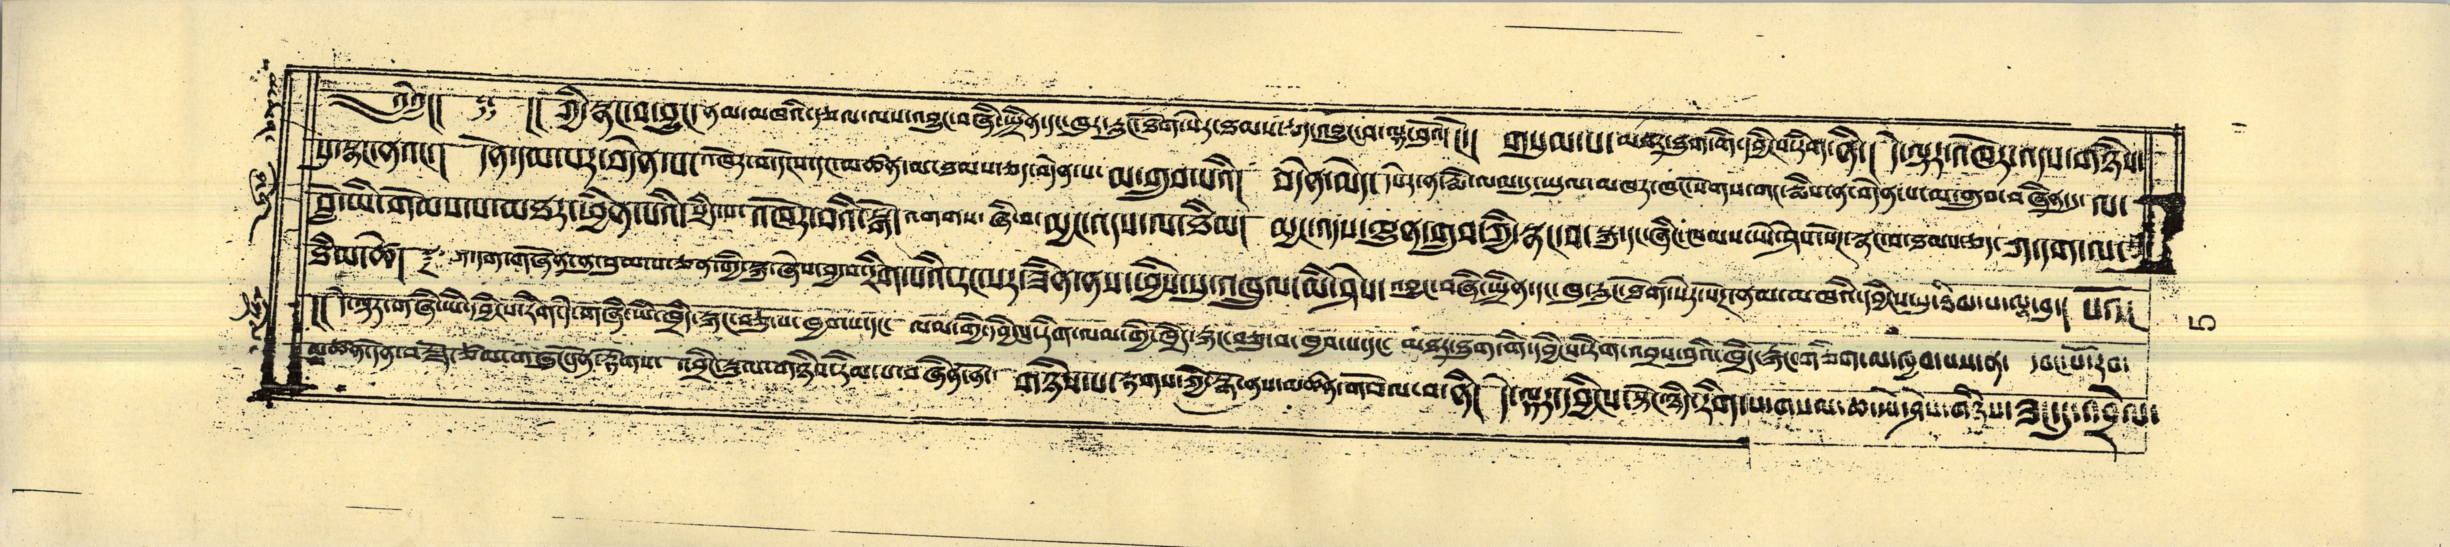ཀྱི་སྣང་བ་བྱུང་༼ནམ་མཁའི་རྩལ་ལས་འབྱུང་བཞི་སྤྲིན་དང་ཁུ་རླངས་ཐོག་སེར་ཐམས་ཅད་འབྱུང་བ་ལྟ་བུའོ༽ངོ་། གསུམ་པ་༼མཐར་ཐུག་གི་དབྱིངས་རིག་༽ནི། དེ་ལྟར་འཁོར་འདས་གཉིས་
སུ་སྣང་ནའང་། དོན་དམ་པར་བདེན་པ་༼འཁོར་བ་དངོས་དང་མཚན་མ་ཐམས་ཅད་བདེན་པ་༽མ་གྲུབ་པའི། བདེན་མེད་༼དཔེར་ན་རྨི་ལམ་དུ་ཡུལ་མཁར་ཁང་སོགས་གང་རྨིས་ན་བདེན་པར་མ་གྲུབ་པ་བཞིན་དུ་༽ལ་
བློ་ཡི་གོམས་པ་མཐར་ཕྱིན་པའི་༼སྲིད་པ༽འཁོར་བའི་སྒོ་༼འགགས་པ་ཞི་བ་༽མྱང་འདས་ལ་ཐིམ། མྱང་འདས་ལྷུན་གྲུབ་ཀྱི་སྣང་བ་༼སྐུ་དང་ཞིང་ཁམས་ཡེ་ཤེས་སོགས་སྣང་བ་ཐམས་ཅད་༽ཀ་དག་ལ་
ཐིམ་ཚེ། ༼༧ཀ་དག་གཞོན་ནུ་བུམ་པ་ཅན་གྱི་སྐུ་ཞེས་བྱ་བ་༽རིག་པའི་རང་སར་ཟིན་ནས་ཕྱིས་འཁྲུལ་མི་ཤེས་༼འབྱུང་བཞི་སྤྲིན་དང་ཁུ་རླངས་ཐོག་སེར་སོགས་ནམ་མཁའི་དབྱིངས་སུ་ཐིམ་པ་ལྟ་བུ༽པའོ།
། །༼དེ་ལྟར་གཞིའི་དབྱིངས་རིག་དེ་གཞིའི་ཁྲིད་རྐང་བཅུ་པ་ཁྱབ་པ་དང་། ལམ་གྱི་དབྱིངས་རིག་ལམ་གྱི་ཁྲིད་རྐང་བཅུ་པ་ཁྱབ་པ་དང་། མཐར་ཐུག་གི་དབྱིངས་རིག་འབྲས་བུའི་ཁྲིད་རྐང་གཅིག་ལ་ཁྱབ་པས་ན། དབང་པོ་རབ་
མཚན་དོན་བརྗོད་ཙམ་གཞུང་དོན་རྟོགས། འབྲིང་རྟུལ་གཉིས་རིམ་པ་བཞིན་ནོ།༽གཉིས་པ།༼རྟགས་ཀྱི་སྒོ་ནས་མཚན་གསོལ་བ་༽ནི། དེ་ལྟར་དབྱིངས་༼སྟོང་ཉིད༽རིག་༼པ་གསལ་ཆ་ཡེ་ཤེས་གཉིས་༼ཟུང་དུ་འབྲེལ་༽